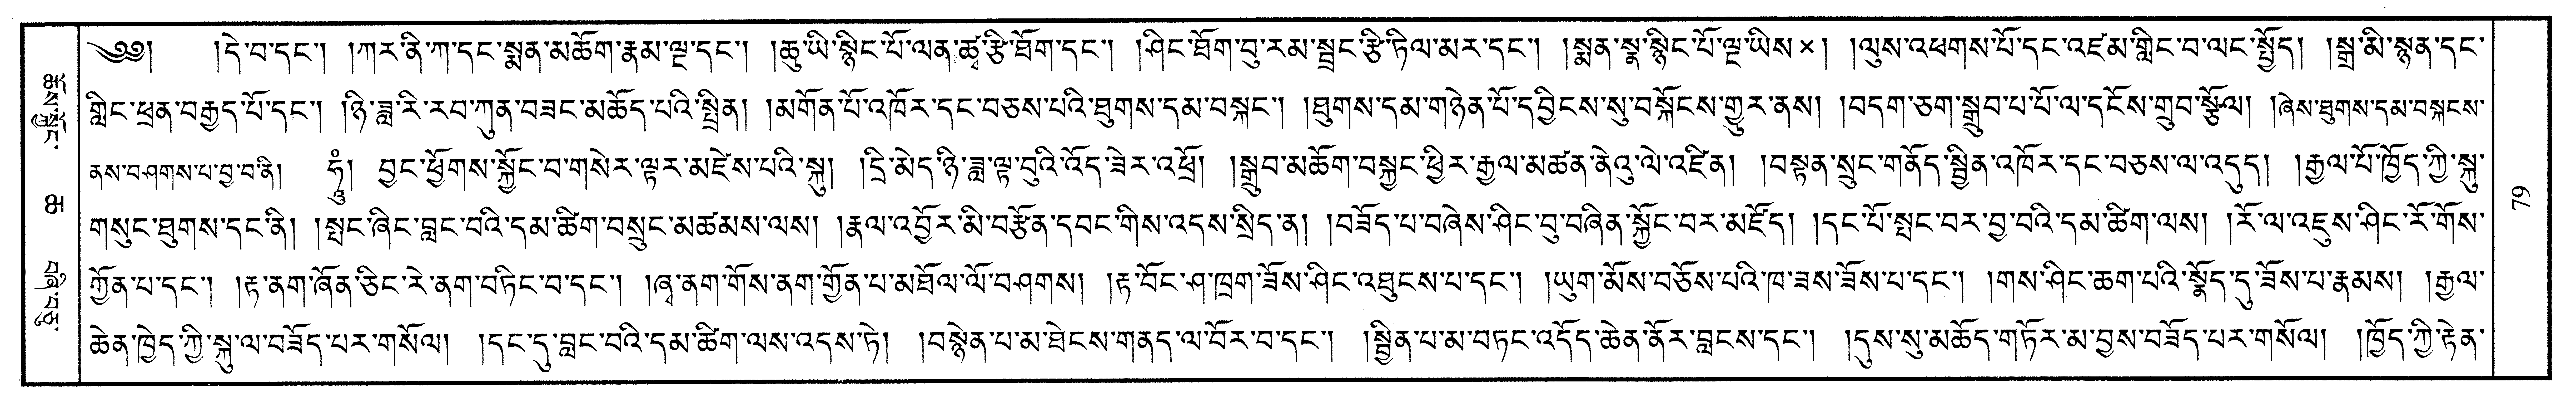༄༅། །དེ་བ་དང་། །ཀར་ནི་ཀ་དང་སྨན་མཆོག་རྣམ་ལྔ་དང་། །ཆུ་ཡི་སྙིང་པོ་ལན་ཚྭ་རྩི་ཐོག་དང་། །ཤིང་ཐོག་བུ་རམ་སྦྲང་རྩི་ཏིལ་མར་དང་། །སྨན་སྣ་སྙིང་པོ་ལྔ་ཡིས་྾། །ལུས་འཕགས་པོ་དང་འཛམ་གླིང་བ་ལང་སྤྱོད། །སྒྲ་མི་སྙན་དང་
གླིང་ཕྲན་བརྒྱད་པོ་དང་། །ཉི་ཟླ་རི་རབ་ཀུན་བཟང་མཆོད་པའི་སྤྲིན། །མགོན་པོ་འཁོར་དང་བཅས་པའི་ཐུགས་དམ་བསྐང་། །ཐུགས་དམ་གཉེན་པོ་དབྱིངས་སུ་བསྐོང་གྱུར་ནས། །བདག་ཅག་སྒྲུབ་པ་པོ་ལ་དངོས་གྲུབ་སྩོལ། །ཞེས་ཐུགས་དམ་བསྐངས་
ནས་བཤགས་པ་བྱ་བ་ནི། ཧཱུཾ། བྱང་ཕྱོགས་སྐྱོང་བ་གསེར་ལྟར་མཛེས་པའི་སྐུ། །དྲི་མེད་ཉི་ཟླ་ལྟ་བུའི་འོད་ཟེར་འཕྲོ། །སྒྲུབ་མཆོག་བསྐྱང་ཕྱིར་རྒྱལ་མཚན་ནེའུ་ལེ་འཛིན། །བསྟན་སྲུང་གནོད་སྦྱིན་འཁོར་དང་བཅས་ལ་འདུད། །རྒྱལ་པོ་ཁྱོད་ཀྱི་སྐུ་
གསུང་ཐུགས་དང་ནི། །སྤང་ཞིང་བླང་བའི་དམ་ཚིག་བསྲུང་མཚམས་ལས། །རྣལ་འབྱོར་མི་བརྩོན་དབང་གིས་འདས་སྲིད་ན། །བཟོད་པ་བཞེས་ཤིང་བུ་བཞིན་སྐྱོང་བར་མཛོད། །དང་པོ་སྤང་བར་བྱ་བའི་དམ་ཚིག་ལས། །རོ་ལ་འཇུས་ཤིང་རོ་གོས་
གྱོན་པ་དང་། །རྟ་ནག་ཞོན་ཅིང་རེ་ནག་བཏིང་བ་དང་། །ཞྭ་ནག་གོས་ནག་གྱོན་པ་མཐོལ་ལོ་བཤགས། །རྟ་བོང་ཤ་ཁྲག་ཟོས་ཤིང་འཐུངས་པ་དང་། །ཡུག་མོས་བཅོས་པའི་ཁ་ཟས་ཟོས་པ་དང་། །གས་ཤིང་ཆག་པའི་སྣོད་དུ་ཟོས་པ་རྣམས། །རྒྱལ་
ཆེན་ཁྱེད་ཀྱི་སྐུ་ལ་བཟོད་པར་གསོལ། །དང་དུ་བླང་བའི་དམ་ཚིག་ལས་འདས་ཏེ། །བསྙེན་པ་མ་ཐེངས་གནད་ལ་བོར་བ་དང་། །སྦྱིན་པ་མ་བཏང་འདོད་ཆེན་ནོར་བླངས་དང་། །དུས་སུ་མཆོད་གཏོར་མ་བྱས་བཟོད་པར་གསོལ། །ཁྱོད་ཀྱི་རྟེན་